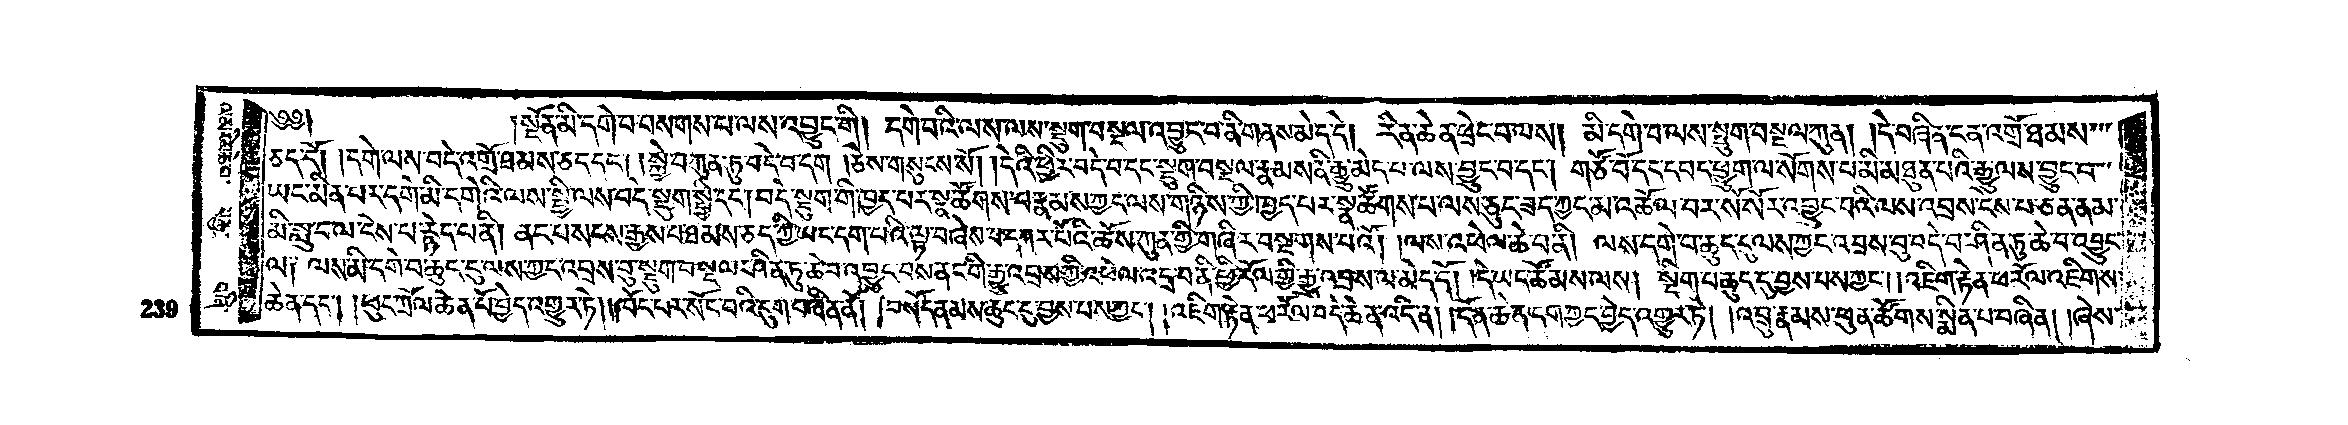༄༅། །སྔོན་མི་དགེ་བ་བསགས་པ་ལས་འབྱུང་གི། དགེ་བའི་ལས་ལས་སྡུག་བསྔལ་འབྱུང་བ་ནི་གནས་མེད་དེ། རིན་ཆེན་ཕྲེང་བ་ལས། མི་དགེ་བ་ལས་སྡུག་བསྔལ་ཀུན། །དེ་བཞིན་ངན་འགྲོ་ཐམས་
ཅད་དོ། །དགེ་ལས་བདེ་འགྲོ་ཐམས་ཅད་དང་། །སྐྱེ་བ་ཀུན་ཏུ་བདེ་བ་དག །ཅེས་གསུངས་སོ། །དེའི་ཕྱིར་བདེ་བ་དང་སྡུག་བསྔལ་རྣམས་ནི་རྒྱུ་མེད་པ་ལས་བྱུང་བ་དང་། གཙོ་བོ་དང་དབང་ཕྱུག་ལ་སོགས་པ་མི་མཐུན་པའི་རྒྱུ་ལས་བྱུང་བ་
ཡང་མིན་པར་དགེ་མི་དགེའི་ལས་སྤྱི་ལས་བདེ་སྡུག་སྤྱི་དང་། བདེ་སྡུག་གི་ཁྱད་པར་སྣ་ཚོགས་པ་རྣམས་ཀྱང་ལས་གཉིས་ཀྱི་ཁྱད་པར་སྣ་ཚོགས་པ་ལས་ཅུང་ཟད་ཀྱང་མ་འཆོལ་བར་སོ་སོར་འབྱུང་བའི་ལས་འབྲས་ངེས་པ་ཅན་ནམ་
མི་སླུ་བ་ལ་ངེས་པ་རྙེད་པ་ནི། ནང་པ་སངས་རྒྱས་པ་ཐམས་ཅད་ཀྱི་ཡང་དག་པའི་ལྟ་བ་ཞེས་པ་དཀར་པོའི་ཆོས་ཀུན་གྱི་གཞིར་བསྔགས་པའོ། །ལས་འཕེལ་ཆེ་བ་ནི། ལས་དགེ་བ་ཆུང་ངུ་ལས་ཀྱང་འབྲས་བུ་བདེ་བ་ཤིན་ཏུ་ཆེ་བ་འབྱུང་
ལ༑ ལས་མི་དགེ་བ་ཆུང་ངུ་ལས་ཀྱང་འབྲས་བུ་སྡུག་བསྔལ་ཤིན་ཏུ་ཆེ་བ་འབྱུང་བས་ནང་གི་རྒྱུ་འབྲས་ཀྱི་འཕེལ་འདྲ་བ་ནི་ཕྱི་རོལ་གྱི་རྒྱུ་འབྲས་ལ་མེད་དོ། །དེ་ཡང་ཚོམས་ལས། སྡིག་པ་ཆུང་ངུ་བྱས་པས་ཀྱང་། །འཇིག་རྟེན་ཕ་རོལ་འཇིགས་
ཆེན་དང་། །ཕུང་ཀྲོལ་ཆེན་པོ་བྱེད་འགྱུར་ཏེ། །ཁོང་པར་སོང་བའི་དུག་བཞིན་ནོ། །བསོད་ནམས་ཆུང་ངུ་བྱས་པས་ཀྱང་། །འཇིག་རྟེན་ཕ་རོལ་བདེ་ཆེན་འདྲེན། །དོན་ཆེན་དག་ཀྱང་བྱེད་འགྱུར་ཏེ། །འབྲུ་རྣམས་ཕུན་ཚོགས་སྨིན་པ་བཞིན། །ཞེས་